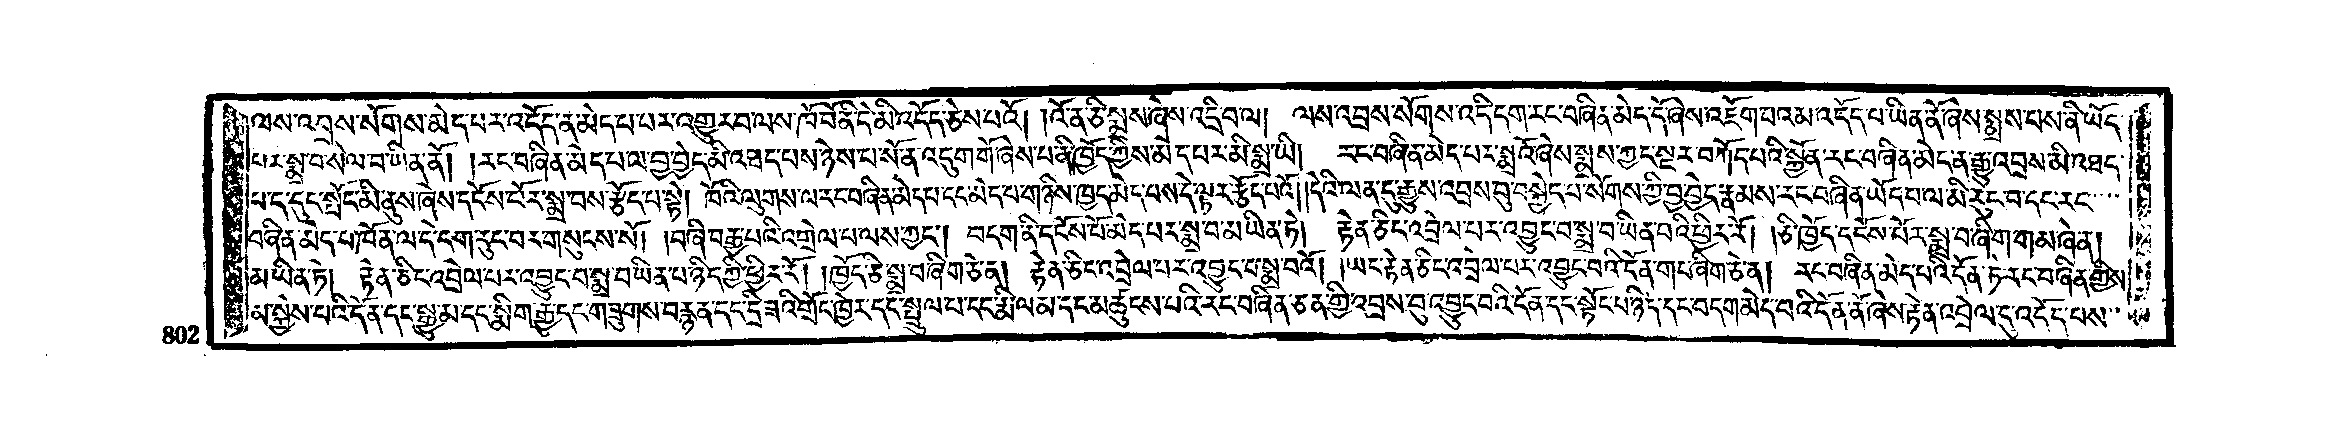ལས་འབྲས་སོགས་མེད་པར་འདོད་ན་མེད་པ་པར་འགྱུར་བ་ལས་ཁོ་བོ་ནི་དེ་མི་འདོད་ཅེས་པའོ། །འོ་ན་ཅི་སྨྲས་ཞེས་འདྲི་བ་ལ། ལས་འབྲས་སོགས་འདི་དག་རང་བཞིན་མེད་དོ་ཞེས་འཇོག་པའམ་འདོད་པ་ཡིན་ནོ་ཞེས་སྨྲས་པས་ནི་ཡོད་
པར་སྨྲ་བ་སེལ་བ་ཡིན་ནོ། །རང་བཞིན་མེད་པ་ལ་བྱ་བྱེད་མི་འཐད་པས་ཉེས་པ་སོ་ན་འདུག་གོ་ཞེས་པ་ནི་ཁྱོད་ཀྱིས་མེད་པར་མི་སྨྲ་ཡི། རང་བཞིན་མེད་པར་སྨྲའོ་ཞེས་སྨྲས་ཀྱང་སྔར་བཀོད་པའི་སྐྱོན་རང་བཞིན་མེད་ན་རྒྱུ་འབྲས་མི་འཐད་
པ་ད་དུང་སྤོང་མི་ནུས་ཞེས་དངོས་པོར་སྨྲ་བས་རྩོད་པ་སྟེ། ཁོའི་ལུགས་ལ་རང་བཞིན་མེད་པ་དང་མེད་པ་གཉིས་ཁྱད་མེད་པས་དེ་ལྟར་རྩོད་པའོ། །དེའི་ལན་དུ་རྒྱུས་འབྲས་བུ་བསྐྱེད་པ་སོགས་ཀྱི་བྱ་བྱེད་རྣམས་རང་བཞིན་ཡོད་པ་ལ་མི་རུང་བ་དང་རང་
བཞིན་མེད་པ་ཁོ་ན་ལ་དེ་དག་རུང་བར་གསུངས་སོ། །བཞི་བརྒྱ་པའི་འགྲེལ་པ་ལས་ཀྱང་། བདག་ནི་དངོས་པོ་མེད་པར་སྨྲ་བ་མ་ཡིན་ཏེ། རྟེན་ཅིང་འབྲེལ་པར་འབྱུང་བ་སྨྲ་བ་ཡིན་པའི་ཕྱིར་རོ། །ཅི་ཁྱོད་དངོས་པོར་སྨྲ་བ་ཞིག་གམ་ཞེ་ན།
མ་ཡིན་ཏེ། རྟེན་ཅིང་འབྲེལ་བར་འབྱུང་བ་སྨྲ་བ་ཡིན་པ་ཉིད་ཀྱི་ཕྱིར་རོ། །ཁྱོད་ཅི་སྨྲ་བ་ཞིག་ཅེ་ན། རྟེན་ཅིང་འབྲེལ་པར་འབྱུང་བ་སྨྲ་བའོ། །ཡང་རྟེན་ཅིང་འབྲེལ་བར་འབྱུང་བའི་དོན་གང་ཞིག་ཅེ་ན། རང་བཞིན་མེད་པའི་དོན་དེ་རང་བཞིན་གྱིས་
མ་སྐྱེས་པའི་དོན་དང་སྒྱུ་མ་དང་སྨིག་རྒྱུ་དང་གཟུགས་བརྙན་དང་དྲི་ཟའི་གྲོང་ཁྱེར་དང་སྤྲུལ་པ་དང་སྨི་ལམ་དང་མཚུངས་པའི་རང་བཞིན་ཅན་གྱི་འབྲས་བུ་འབྱུང་བའི་དོན་དང་སྟོང་པ་ཉིད་དང་བདག་མེད་པའི་དོན་ནོ་ཞེས་རྟེན་འབྲེལ་དུ་འདོད་པས་